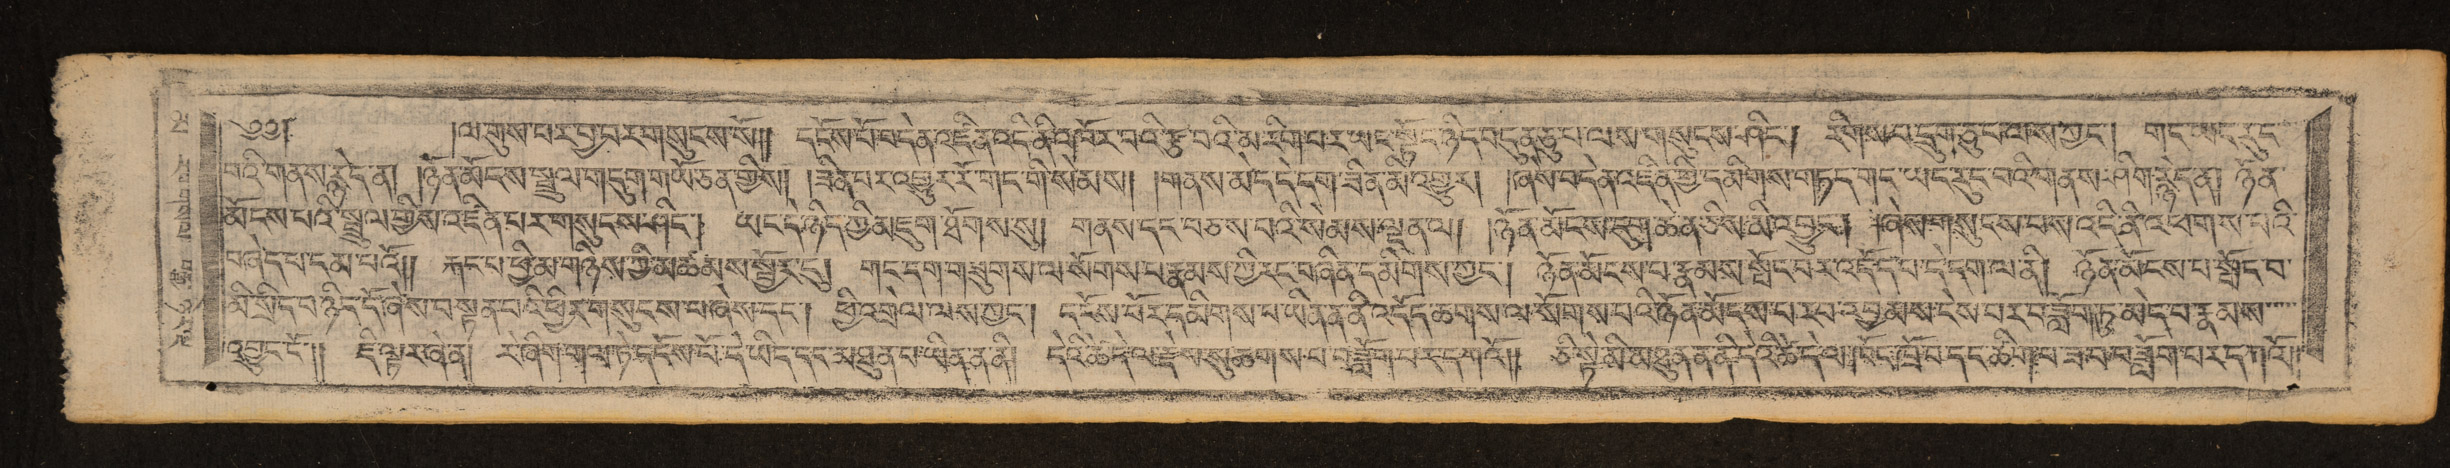༄༅། །ལ་གུས་པར་བྱ་བར་གསུངས་སོ།། དངོས་པོ་བདེན་འཛིན་འདི་ནི་འཁོར་བའི་རྩ་བའི་མ་རིག་པར་ཡང་སྟོང་ཉིད་བདུན་ཅུ་པ་ལས་གསུངས་ཤིང་། རིགས་པ་དྲུག་ཅུ་པ་ལས་ཀྱང་། གང་ཡང་རུང་
བའི་གནས་རྙེད་ན། །ཉོན་མོངས་སྦྲུལ་གདུག་གཡོ་ཅན་གྱིས། །ཟིན་པར་འགྱུར་རོ་གང་གི་སེམས། །གནས་མེད་དེ་དག་ཟིན་མི་འགྱུར། །ཞེས་བདེན་འཛིན་གྱི་དམིགས་གཏད་གང་ཡང་རུང་བའི་གནས་ཤིག་རྙེད་ན། ཉོན་
མོངས་པའི་སྦྲུལ་གྱིས་འཛིན་པར་གསུངས་ཤིང་། ཡང་དེ་ཉིད་ཀྱི་མཇུག་ཐོགས་སུ། གནས་དང་བཅས་པའི་སེམས་ལྡན་ལ། །ཉོན་མོངས་དུག་ཆེན་ཅེས་མི་འབྱུང་། །ཞེས་གསུངས་པས་འདི་ནི་འཕགས་པའི་
བཞེད་པ་དམ་པའོ།། རྐང་པ་ཕྱི་མ་གཉིས་ཀྱི་མཚམས་སྦྱོར་དུ། གང་དག་གཟུགས་ལ་སོགས་པ་རྣམས་ཀྱི་རང་བཞིན་དམིགས་ཀྱང་། ཉོན་མོངས་པ་རྣམས་སྤོང་བར་འདོད་པ་དེ་དག་ལ་ནི། ཉོན་མོངས་པ་སྤོང་བ་
མི་སྲིད་པ་ཉིད་དོ་ཞེས་བསྟན་པའི་ཕྱིར་གསུངས་པ་ཞེས་དང་། ཕྱི་འགྲེལ་ལས་ཀྱང་། དངོས་པོར་དམིགས་པ་ཡིན་ན་ནི་འདོད་ཆགས་ལ་སོགས་པའི་ཉོན་མོངས་པ་རབ་འབྱམས་ངེས་བར་བཟློག་ཏུ་མེད་པ་རྣམས་
འབྱུང་ངོ།། ཇི་ལྟར་ཞེ་ན། རེ་ཞིག་གལ་ཏེ་དངོས་པོ་དེ་ཡིད་དང་མཐུན་པ་ཡིན་ན་ནི། དེའི་ཚེ་དེ་ལ་རྗེས་སུ་ཆགས་པ་བཟློག་པར་དཀའོ།། ཅི་སྟེ་མི་མཐུན་ན་ནི་དེའི་ཚེ་དེ་ལ་ཁོང་ཁྲོ་ང་དང་ཚིག་པ་ཟ་བ་བཟློག་པར་དཀའོ།།